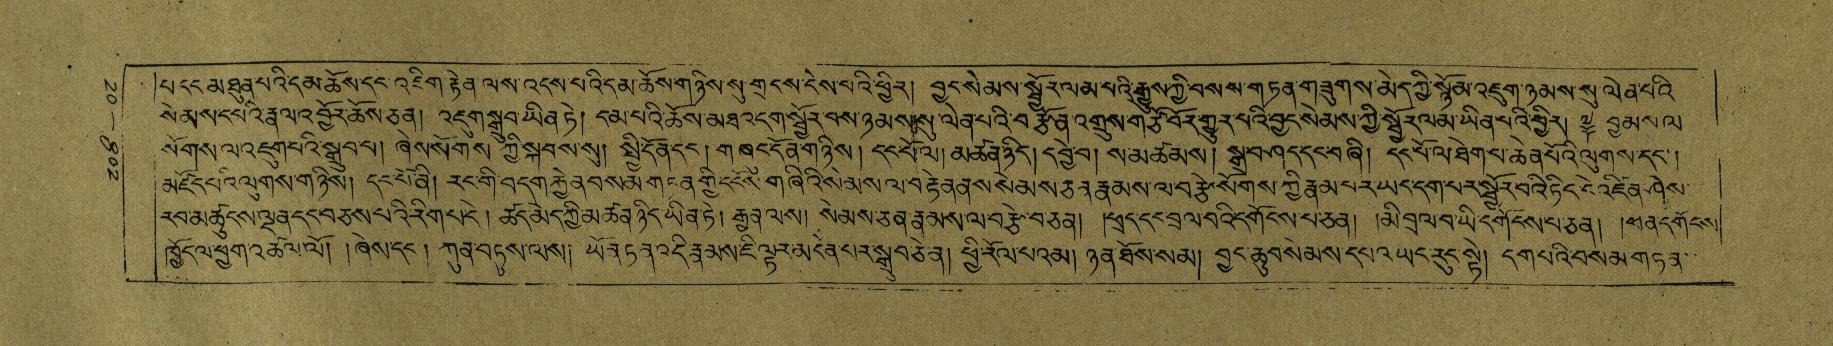པ་དང་མཐུན་པའི་དམ་ཆོས་དང་འཇིག་རྟེན་ལས་འདས་པའི་དམ་ཆོས་གཉིས་སུ་གྲངས་ངེས་པའི་ཕྱིར། བྱང་སེམས་སྦྱོར་ལམ་པའི་རྒྱུས་ཀྱི་བསས་གཏན་གཟུགས་མེད་ཀྱི་སྙོམ་འཇུག་ཉམས་སུ་ལེན་པའི་
སེམས་དཔའི་རྣལ་འབྱོར་ཆོས་ཅན། འཇུག་སྒྲུབ་ཡིན་ཏེ། དམ་པའི་ཆོས་མཐའ་དག་སྦྱོར་བས་ཉམས་སུ་ལེན་པའི་བརྩོན་འགྲུས་གཙོ་བོར་གྱུར་པའི་བྱང་སེམས་ཀྱི་སྦྱོར་ལམ་ཡིན་པའི་ཕྱིར། ༈ བྱམས་ལ་
སོགས་ལ་འཇུག་པའི་སྒྲུབ་པ། ཞེས་སོགས་ཀྱི་སྐབས་སུ། སྤྱི་དོན་དང་། གཞུང་དོན་གཉིས། དང་པོ་ལ། མཚན་ཉིད། དབྱེ་བ། ས་མཚམས། སྒྲ་བཤད་དང་བཞི། དང་པོ་ལ་ཐེག་པ་ཆེན་པོའི་ལུགས་དང་།
མཛོད་པའི་ལུགས་གཉིས། དང་པོ་ནི། རང་གི་བདག་རྐྱེན་བསམ་གཏན་གྱི་དངོས་གཞིའི་སེམས་ལ་བརྟེན་ནས་སེམས་ཅན་རྣམས་ལ་བརྩེ་སོགས་ཀྱི་རྣམ་པར་ཡང་དག་པར་སྦྱོར་བའི་ཏིང་ངེ་འཛིན་ཤེས་
རབ་མཚུངས་ལྡན་དང་བཅས་པའི་རིག་པ་དེ། ཚད་མེད་ཀྱི་མཚན་ཉིད་ཡིན་ཏེ། རྒྱན་ལས། སེམས་ཅན་རྣམས་ལ་བརྩེ་བ་ཅན། །ཕྲད་དང་བྲལ་བའི་དགོངས་པ་ཅན། །མི་བྲལ་བ་ཡི་དགོངས་པ་ཅན། །ཕན་དགོངས་
ཁྱོད་ལ་ཕྱག་འཚལ་ལོ། །ཞེས་དང་། ཀུན་བཏུས་ལས། ཡོན་ཏན་འདི་རྣམས་ཇི་ལྟར་མངོན་པར་སྒྲུབ་ཅེ་ན། ཕྱི་རོལ་པའམ། ཉན་ཐོས་སམ། བྱང་ཆུབ་སེམས་དཔའ་ཡང་རུང་སྟེ། དག་པའི་བསམ་གཏན་